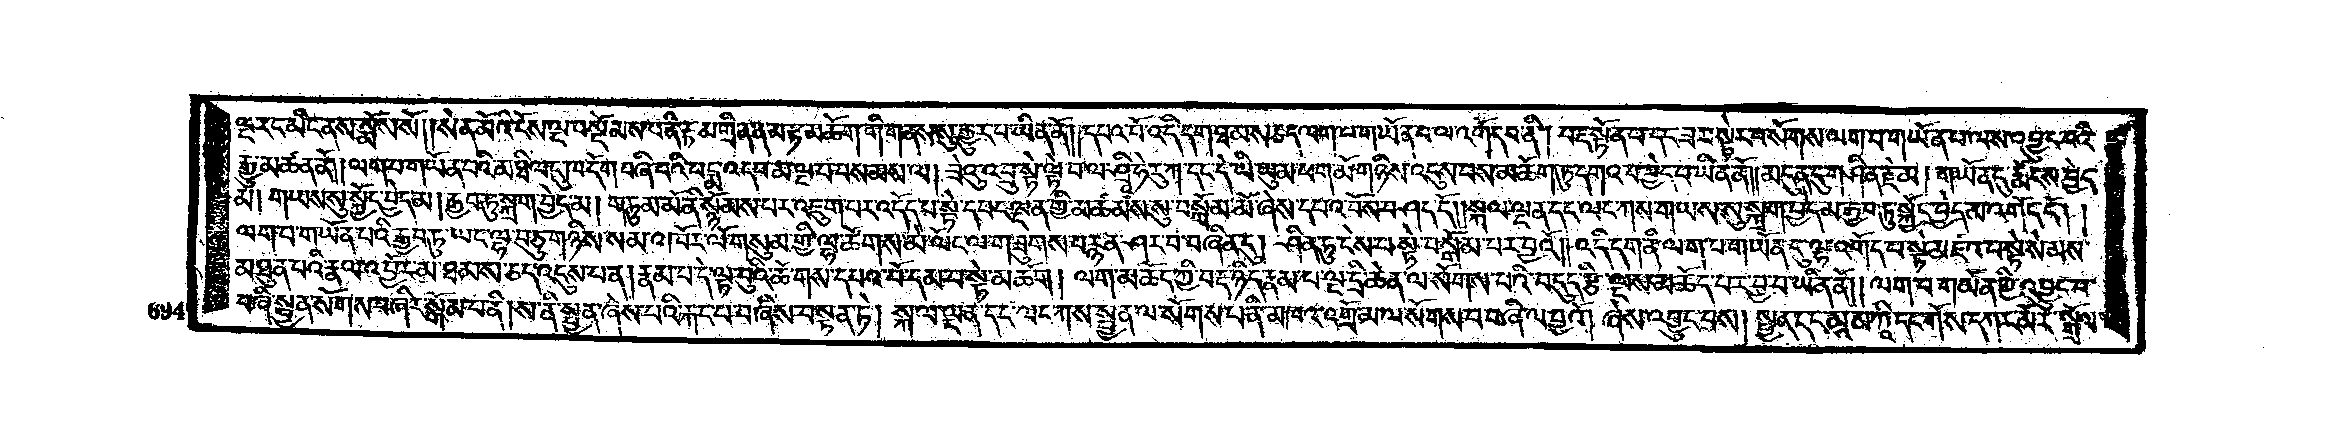ལྔ་རང་མིང་ནས་སྨོས་སོ། །སེན་མོའི་ངོས་ལྔ་བསྡོམས་པ་ནི་རྟ་མགྲིན་ནམ་རྟ་མཆོག་གི་གནས་སུ་གྱུར་པ་ཡིན་ནོ། །དཔའ་བོ་འདི་དག་ཐམས་ཅད་ལག་པ་གཡོན་པ་ལ་འགོད་པ་ནི། བརྡ་སྟོན་པ་དང་ཟས་སྟེར་བ་སོགས་ལག་པ་གཡོན་པ་ལས་འབྱུང་བའི་
རྒྱུ་མཚན་ནོ། །ལག་པ་གཡོན་པའི་མཐིལ་དུ་ཁ་དོག་བཞི་པའི་པདམ་འདབ་མ་ལྔ་པ་བསམས་ལ། ཟེའུ་འབྲུ་སྟེ་ལྟེ་བ་ལ་ཤྲཱི་ཧེ་རུ་ཀ་དང་དེ་ཡི་ཡུམ་ཕག་མོ་གཉིས་འདུས་པས་མཆོག་ཏུ་དགའ་བ་བྱེད་པ་ཡིན་ནོ། །མདུན་དུ་གཤིན་རྗེ་མ། གཡོན་དུ་རྨོངས་བྱེད་
མ། གཡས་སུ་སྐྱོང་བྱེད་མ། རྒྱབ་ཏུ་སྐྲག་བྱེད་མ། གཏུམ་མོ་ནི་སྙོམས་པར་འཇུག་པར་འདོད་པ་སྟེ་དབང་ལྡན་གྱི་མཚམས་སུ་བསྒོམ་མོ་ཞེས་དཔའ་བོས་བཤད་དོ། །སྐལ་ལྡན་དང་ལང་ཀས་གཡས་སུ་སྐྲག་བྱེད་མ་རྒྱབ་ཏུ་སྐྱོང་བྱེད་མ་འགོད་དོ། །
ལག་པ་གཡོན་པའི་རྒྱབ་ཏུ་ཡང་ལྷ་བཅུ་གཉིས་སམ་འཁོར་ལོ་གསུམ་གྱི་ལྷ་ཚོགས་མེ་ལོང་ལ་གཟུགས་བརྙན་ཤར་བ་བཞིན་དུ། ཤིན་ཏུ་ངེས་པ་སྟེ་བསྒོམ་པར་བྱའོ། །འདི་དག་ནི་ལག་པ་གཡོན་དུ་ལྷ་འགོད་པ་སྟེ་མཛའ་བ་སྟེ་སེམས་
མཐུན་པའི་རྣལ་འབྱོར་མ་ཐམས་ཅད་འདུས་པ་ན། རྣམ་པ་དེ་ལྟ་བུའི་ཆོ་གས་དཔའ་བོ་དམ་པ་སྟེ་མཆོག །ལག་མཆོད་ཀྱི་བརྡ་ཉིད་རྣམ་པ་ལྔ་དྲི་ཆེན་ལ་སོགས་པའི་བདུད་རྩི་ལྔས་མཆོད་པར་བྱ་བ་ཡིན་ནོ། །ལག་པ་གཡོན་གྱི་འབྱུང་བ་
བཞི་སྤྱན་སོགས་བཞིར་སྒོམ་པ་ནི། ས་ནི་སྤྱན་ཞེས་པའི་རྐང་པ་བཞིས་བསྟན་ཏེ། སྐལ་ལྡན་དང་ལང་ཀས་སྤྱན་ལ་སོགས་པ་ནི་མཁའ་འགྲོ་མ་ལ་སོགས་པ་བཞི་ལ་བྱའོ། ཞེས་འབྱུང་བས། སྤྱན་དང་མཱ་མ་ཀཱི་དང་གོས་དཀར་མོ་དང་སྒྲོལ་